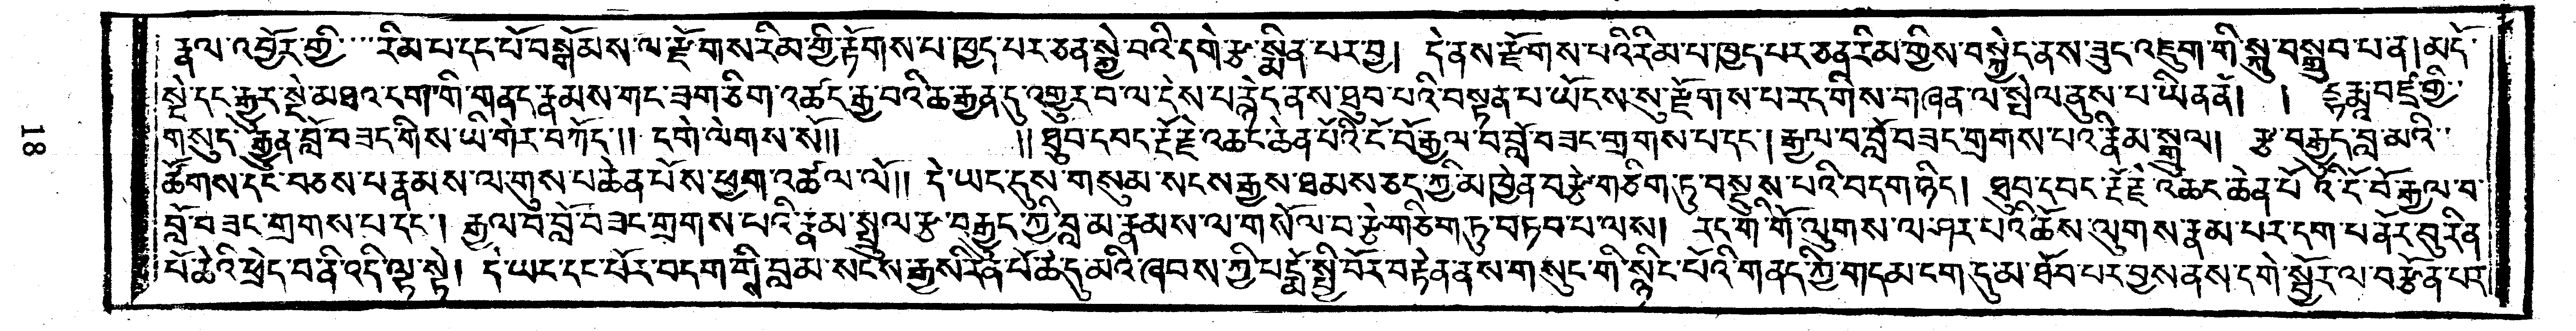རྣལ་འབྱོར་གྱི་རིམ་པ་དང་པོ་བསྒོམས་ལ་རྫོགས་རིམ་གྱི་རྟོགས་པ་ཁྱད་པར་ཅན་སྐྱེ་བའི་དགེ་རྩ་སྨིན་པར་བྱ། དེ་ནས་རྫོགས་པའི་རིམ་པ་ཁྱད་པར་ཅན་རིམ་གྱིས་བསྐྱེད་ནས་ཟུང་འཇུག་གི་སྐུ་བསྒྲུབ་པ་ན། མདོ་
སྡེ་དང་རྒྱུར་སྡེ་མཐའ་དག་གི་གནད་རྣམས་གང་ཟག་ཅིག་འཚང་རྒྱ་བའི་ཆ་རྒྱན་དུ་འགྱུར་བ་ལ་དེས་པ་རྙེད་ནས་ཐུབ་པའི་བསྟན་པ་ཡོངས་སུ་རྫོགས་པ་རང་གིས་གཞན་ལ་སྤེལ་ནུས་པ་ཡིན་ནོ། །དྷརྨཱ་བཛྲ་གྱི་
གསུད་རྒྱུན་བློ་བཟང་གིས་ཡི་གེར་བཀོད།། དགེ་ལེགས་སོ།། །།ཐུབ་དབང་རྡོ་རྗེ་འཆང་ཆེན་པོའི་ངོ་བོ་རྒྱལ་བ་བློ་བཟང་གྲགས་པ་དང་། རྒྱལ་བ་བློ་བཟང་གྲགས་པའི་རྣམ་སྒྲུལ། རྩ་བརྒྱུད་བླ་མའི་
ཚོགས་དང་བཅས་པ་རྣམས་ལ་གུས་པ་ཆེན་པོས་ཕྱག་འཚལ་ལོ།། དེ་ཡང་དུས་གསུམ་སངས་རྒྱས་ཐམས་ཅད་ཀྱི་མཁྱེན་བརྩེ་གཅིག་ཏུ་བསྡུས་པའི་བདག་ཉིད། ཐུབ་དབང་རྡོ་རྗེ་འཆང་ཆེན་པོའི་ངོ་བོ་རྒྱལ་བ་
བློ་བཟང་གྲགས་པ་དང་། རྒྱལ་བ་བློ་བཟང་གྲགས་པའི་རྣམ་སྤྲུལ་རྩ་བརྒྱུད་ཀྱི་བླ་མ་རྣམས་ལ་གསོལ་བ་རྩེ་གཅིག་ཏུ་བཏབ་པ་ལས། རང་གི་གོ་ལུགས་ལ་ཤར་པའི་ཆོས་ལུགས་རྣམ་པར་དག་པ་ནོར་བུ་རིན་
པོ་ཆེའི་ཕྲེད་བ་ནི་འདི་ལྟ་སྟེ། དེ་ཡང་དང་པོར་བདག་གིས་བླ་མ་སངས་རྒྱས་རིན་པོ་ཆེ་དུ་མའི་ཞབས་ཀྱི་པདམོ་སྤྱི་བོར་བརྟེན་ནས་གསུང་གི་སྙིང་པོའི་གནད་ཀྱི་གདམ་ངག་དུ་མ་ཐོབ་པར་བྱས་ནས་དགེ་སྦྱོར་ལ་བརྩོན་པར་